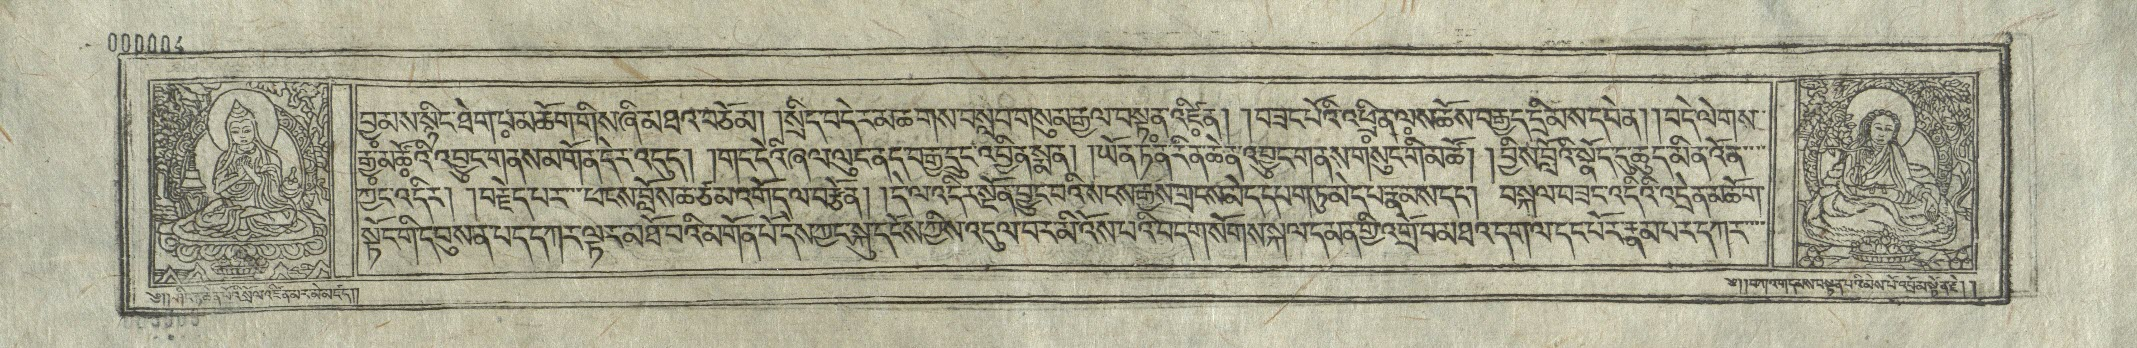་བྱམས་?་སྙིང་ཐེག་པ་མཆོག་གིས་ཞི་མཐའ་བཅོམ། །སྲིད་བདེར་མ་ཆགས་བསླབ་གསུམ་རྒྱལ་བསྟན་འཛིན་?། །བཟང་པོའི་འཕྲིན་ལས་?་ཆོས་བརྒྱད་དྲི་མས་དབེན། །བདེ་ལེགས་
རྒྱ་མཚོའི་?་འབྱུང་གནས་མགོན་དེར་འདུད། །གང་དེའི་ཞལ་ལུང་ནད་བརྒྱ་དྲུང་འབྱིན་སྨན། །ཡོན་ཏན་རིན་ཆེན་འབྱུང་གནས་གསུང་གི་མཚོ། །བྱིས་བློའི་སྣོད་དུ་ཆུད་མིན་འོན་
ཀྱང་འདིར། །བརྗེད་པར་ཕངས་བློས་ཆ་ཙམ་འགོད་ལ་བརྩོན། །དེ་ལ་འདིར་སྔོན་བྱུང་བའི་སངས་རྒྱས་གྲངས་མེད་དཔག་ཏུ་མེད་པ་རྣམས་དང་། བསྐལ་བཟང་འདིའི་འདྲེན་མཆོག་
སྟོང་གི་དབུས་ན་པད་དཀར་ལྟར་མཐོ་བའི་མགོན་པོ་དེས་ཀྱང་སྐུ་དངོས་ཀྱིས་འདུལ་བར་མི་འོས་པའི་བདག་སོགས་སྐལ་དམན་གྱི་འགྲོ་བ་མཐའ་དག་ལ་དང་པོར་རྣམ་པར་དཀར་་??